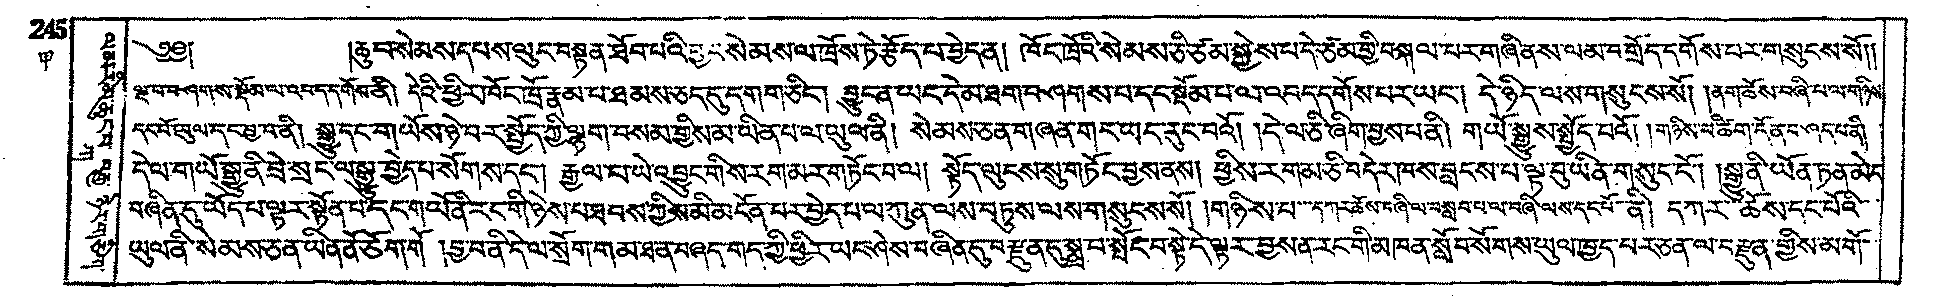༄༅། །ཆུབ་སེམས་དཔས་ལུང་བསྟན་ཐོབ་པའི་བྱང་སེམས་ལ་ཁྲོས་ཏེ་རྩོད་པ་བྱེད་ན། ཁོང་ཁྲོའི་སེམས་ཅི་ཙམ་སྐྱེས་པ་དེ་ཙམ་གྱི་བསྐལ་པར་གཞི་ནས་ལམ་བགྲོད་དགོས་པར་གསུངས་སོ།།
ལྔ་པ་བཤགས་སྡོམ་ལ་འབད་དགོས་ནི།  དེའི་ཕྱིར་ཁོང་ཁྲོ་རྣམ་པ་ཐམས་ཅད་དུ་དགག་ཅིང་། བྱུང་ན་ཡང་དེ་མ་ཐག་བཤགས་པ་དང་སྡོམ་པ་ལ་འབད་དགོས་པར་ཡང་། དེ་ཉིད་ལས་གསུངས་སོ། །ནག་ཆོས་བཞི་པ་ལ་གཉིས་
དང་པོ་ཡུལ་དང་བྱ་བ་ནི། སྒྱུ་དང་གཡོས་ཉེ་བར་སྤྱོད་ཀྱི་ལྷག་བསམ་གྱིས་མ་ཡིན་པ་ལ་ཡུལ་ནི། སེམས་ཅན་གཞན་གང་ཡང་རུང་བའོ། །དེ་ལ་ཅི་ཞིག་བྱས་པ་ནི། གཡོ་སྒྱུས་སྤྱོད་པའོ། །གཉིས་པ་ཚིག་དོན་བཤད་པནི།
དེ་ལ་གཡོ་སྒྱུ་ནི་བྲེ་སྲང་ལ་སྒྱུ་བྱེད་པ་སོགས་དང་། རྒྱལ་པ་ཡེ་འབྱུང་གིས་རག་མར་གཏོང་བ་ལ། སྟོད་ལུངས་སུ་གཏོང་བྱས་ནས། ཕྱིས་རག་མ་ཅི་བདེར་ཁས་བླངས་པ་ལྟ་བུ་ཡིན་གསུང་ངོ། །སྒྱུ་ནི་ཡོན་ཏན་མེད་
བཞིན་དུ་ཡོད་པ་ལྟར་སྟོན་པ་དང་གཡོ་ནི་རང་གི་ཉེས་པ་ཐབས་ཀྱིས་མི་མངོན་པར་བྱེད་པ་ལ་ཀུན་ལས་བཏུས་ལས་གསུངས་སོ། །གཉིས་པདཀར་ཆོས་བཞི་ལ་བསླབ་པ་ལ་བཞི་ལས་དང་པོནི། དཀར་ཆོས་དང་པོའི་
ཡུལ་ནི་སེམས་ཅན་ཡིན་ནོ་ཅོག་གོ །བྱ་བ་ནི་དེ་ལ་སྲོག་གམ་ཐ་ན་བཞད་གད་ཀྱི་ཕྱིར་ཡང་ཤེས་བཞིན་དུ་བརྫུན་དུ་སྨྲ་བ་སྤོང་བ་སྟེ་དེ་ལྟར་བྱས་ན་རང་གི་མཁན་སློབ་སོགས་ཡུལ་ཁྱད་པར་ཅན་ལ་བརྫུན་གྱིས་མགོ་